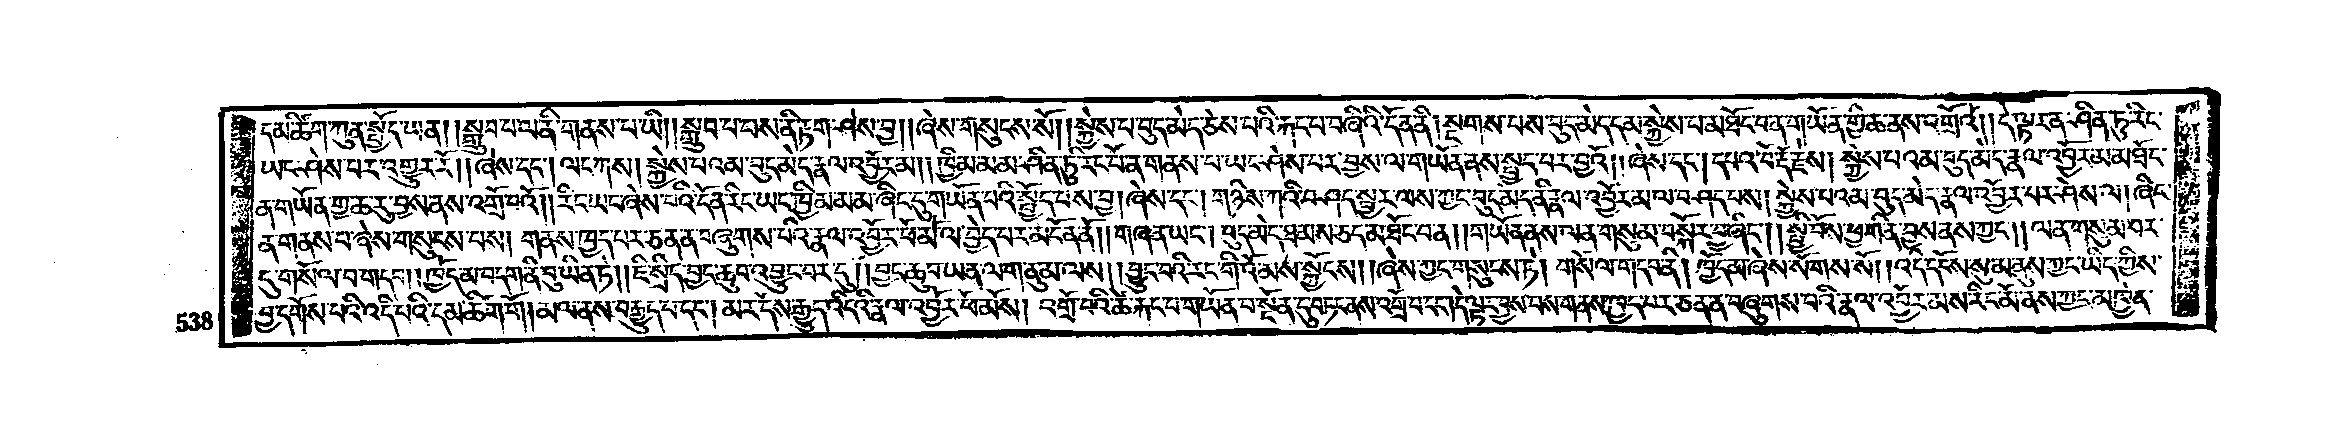དམ་ཚིག་ཀུན་སྤྱོད་ཡིན། །སྒྲུབ་པ་ལ་ནི་གནས་པ་ཡི། །སྒྲུབ་པ་པས་ནི་རྟག་ཤེས་བྱ། །ཞེས་གསུངས་སོ། །སྐྱེས་པ་བུད་མེད་ཅེས་པའི་རྐང་པ་བཞིའི་དོན་ནི། སྔགས་པས་བུད་མེད་དམ་སྐྱེས་པ་མཐོང་བ་ན་གཡོན་གྱི་ཆ་ནས་འགྲོའོ། །དེ་ལྟར་ན་ཤིན་ཏུ་རིང་
ཡང་ཤེས་པར་འགྱུར་རོ། །ཞེས་དང་། ལང་ཀས། སྐྱེས་པའམ་བུད་མེད་རྣལ་འབྱོར་མ། །ཁྱིམ་མམ་ཤིན་ཏུ་རིང་པོ་ན་གནས་པ་ཡང་ཤེས་པར་བྱས་ལ་གཡོན་ནས་སྤྱད་པར་བྱའོ། །ཞེས་དང་། དཔའ་བོ་རྡོ་རྗེས། སྐྱེས་པའམ་བུད་མེད་རྣལ་འབྱོར་མ་མཐོང་
ན་གཡོན་གྱི་ཆ་རུ་བྱས་ནས་འགྲོ་བའོ། །རིང་ཡང་ཞེས་པའི་དོན་རིང་ཡང་ཁྱིམ་མམ་ཞིང་དུ་གཡོན་པའི་སྤྱོད་པས་བྱ། ཞེས་དང་། གཉིས་ཀའི་བཤད་སྦྱར་ལས་ཀྱང་བུད་མེད་ནི་རྣལ་འབྱོར་མ་ལ་བཤད་པས། སྐྱེས་པའམ་བུད་མེད་རྣལ་འབྱོར་པར་ཤེས་ལ། ཞིང་
ན་གནས་པ་ཞེས་གསུངས་པས། གནས་ཁྱད་པར་ཅན་ན་བཞུགས་པའི་རྣལ་འབྱོར་ཕོ་མོ་ལ་བྱེད་པར་མངོན་ནོ། །གཞན་ཡང་། བུད་མེད་ཐམས་ཅད་མཐོང་བ་ན། །གཡོན་ནས་ལན་གསུམ་བསྐོར་བྱ་ཞིང་། །སྤྱི་བོས་ཕྱག་ནི་བྱས་ནས་ཀྱང་། །ལན་གསུམ་བར་
དུ་གསོལ་བ་གདབ། །ཁྱོད་མ་བདག་ནི་བུ་ཡིན་ཏེ། །ཇི་སྲིད་བྱང་ཆུབ་འབྱུང་བར་དུ། །བྱང་ཆུབ་ཡན་ལག་ནུ་མ་ལས། །བྱུང་བའི་རང་གི་འོ་མས་སྐྱོངས། །ཞེས་ཀྱང་གསུངས་ཏེ། གསོལ་གདབ་ནི། ཁྱོད་མ་ཞེས་སོགས་སོ། །འདི་དངོས་སུ་མ་ནུས་ཀྱང་ཡིད་ཀྱིས་
བྱ་དགོས་པའི་འདི་པའི་དམ་ཚིག་གོ། མལ་ནས་བརྒྱུད་པ་དང་། མར་དོས་རྒྱུད་འདིའི་རྣལ་འབྱོར་ཕོ་མོས། འགྲོ་བའི་ཚེ་རྐང་པ་གཡོན་པ་སྔོན་དུ་བཏང་ནས་འགྲོ་བ་དང་། དེ་ལྟར་བྱས་པས་གནས་ཁྱད་པར་ཅན་ན་བཞུགས་པའི་རྣལ་འབྱོར་མས་རིང་མོ་ནས་ཀྱང་མཁྱེན་